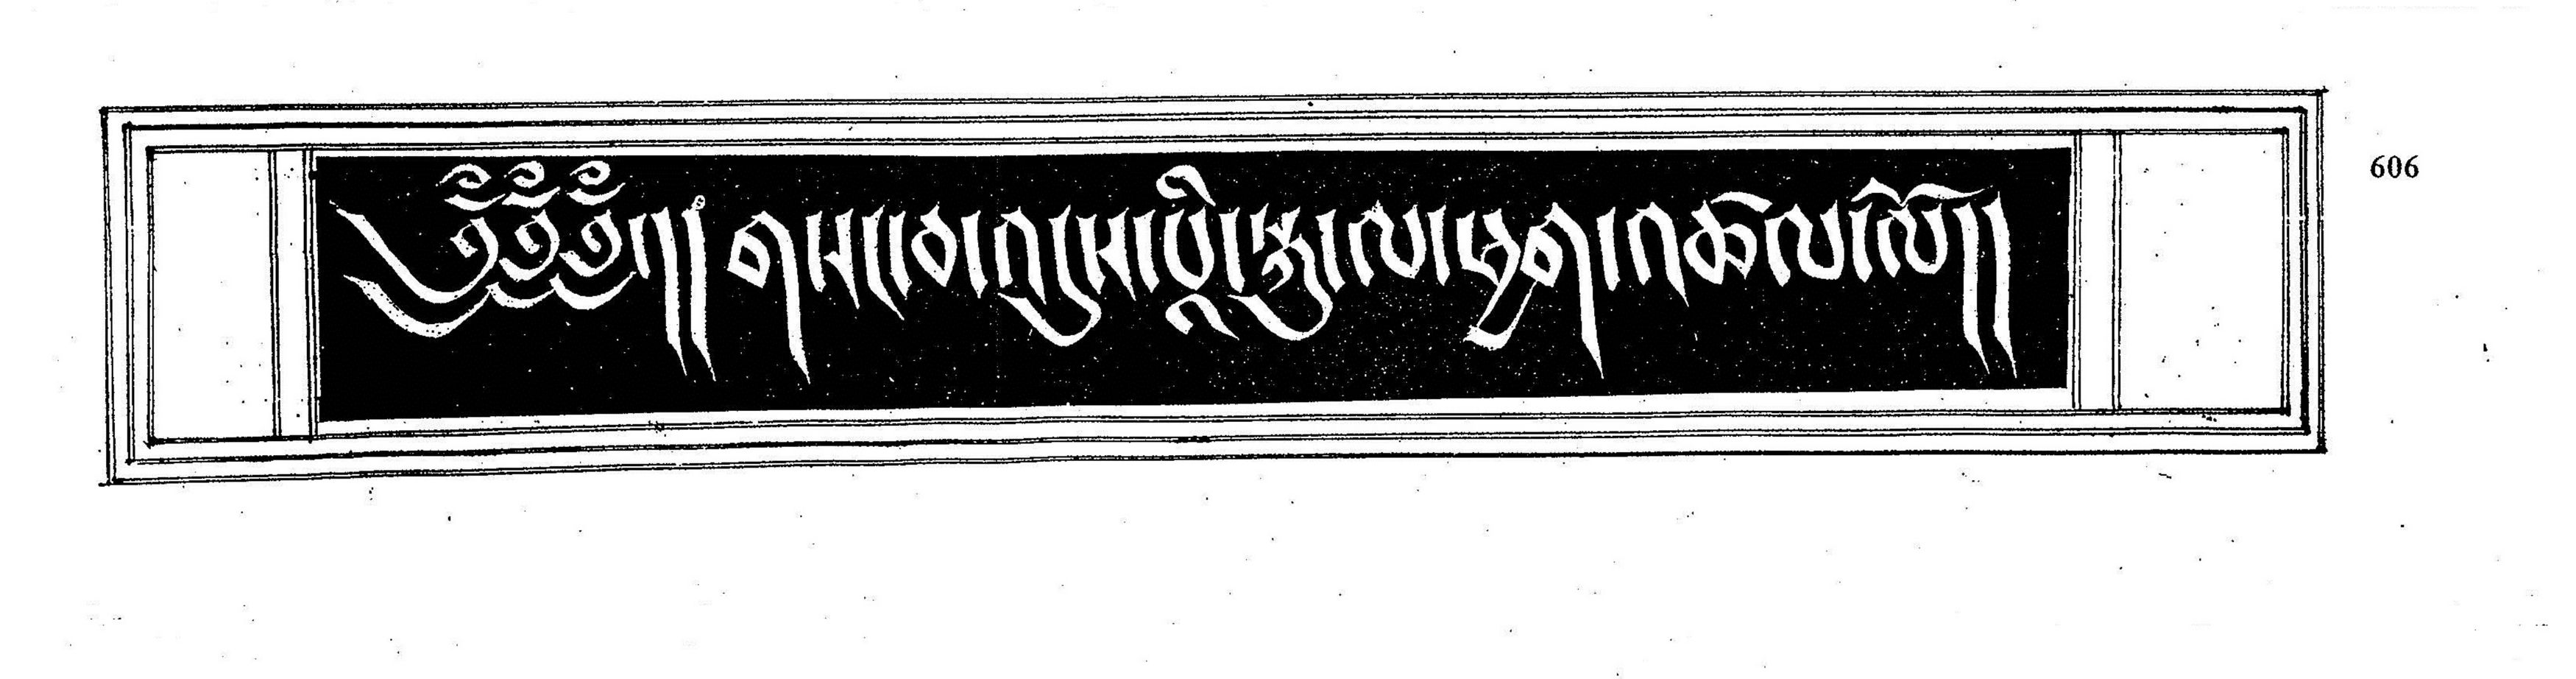༄༅༅།། གསང་བ་འདུས་པའི་སྐུ་ལ་ཕྱག་འཚལ་ལོ།།